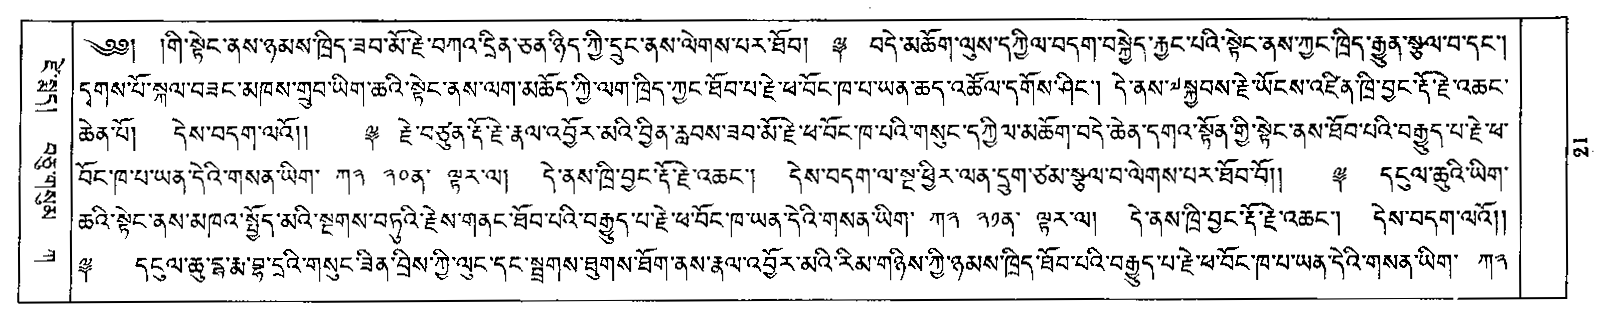༄༅། །གི་སྟེང་ནས་ཉམས་ཁྲིད་ཟབ་མོ་རྗེ་བཀའ་དྲིན་ཅན་ཉིད་ཀྱི་དྲུང་ནས་ལེགས་པར་ཐོབ། ༈ བདེ་མཆོག་ལུས་དཀྱིལ་བདག་བསྐྱེད་རྐྱང་པའི་སྟེང་ནས་ཀྱང་ཁྲིད་རྒྱུན་སྩལ་བ་དང་།
དྭགས་པོ་སྐལ་བཟང་མཁས་གྲུབ་ཡིག་ཆའི་སྟེང་ནས་ལག་མཆོད་ཀྱི་ལག་ཁྲིད་ཀྱང་ཐོབ་པ་རྗེ་ཕ་བོང་ཁ་པ་ཡན་ཆད་འཚོལ་དགོས་ཤིང་། དེ་ནས་༧་སྐྱབས་རྗེ་ཡོངས་འཛིན་ཁྲི་བྱང་རྡོ་རྗེ་འཆང་
ཆེན་པོ། དེས་བདག་ལའོ།། ༈ རྗེ་བཙུན་རྡོ་རྗེ་རྣལ་འབྱོར་མའི་བྱིན་རླབས་ཟབ་མོ་རྗེ་ཕ་བོང་ཁ་པའི་གསུང་དཀྱིལ་མཆོག་བདེ་ཆེན་དགའ་སྟོན་གྱི་སྟེང་ནས་ཐོབ་པའི་བརྒྱུད་པ་རྗེ་ཕ་
བོང་ཁ་པ་ཡན་དེའི་གསན་ཡིག་ཀ ༢ ༢༠་ན་ལྟར་ལ། དེ་ནས་ཁྲི་བྱང་རྡོ་རྗེ་འཆང་། དེས་བདག་ལ་སྔ་ཕྱིར་ལན་དྲུག་ཙམ་སྩལ་བ་ལེགས་པར་ཐོབ་བོ།། ༈ དངུལ་ཆུའི་ཡིག་
ཆའི་སྟེང་ནས་མཁའ་སྤྱོད་མའི་སྔགས་བཏུའི་རྗེས་གནང་ཐོབ་པའི་བརྒྱུད་པ་རྗེ་ཕ་བོང་ཁ་ཡན་དེའི་གསན་ཡིག་ཀ ༢ ༢༡་ན་ལྟར་ལ། དེ་ནས་ཁྲི་བྱང་རྡོ་རྗེ་འཆང་། དེས་བདག་ལའོ།།
༈ དངུལ་ཆུ་དྷ་རྨ་བྷ་དྲའི་གསུང་ཟིན་བྲིས་ཀྱི་ལུང་དང་སྦྲགས་ཐུགས་ཐོག་ནས་རྣལ་འབྱོར་མའི་རིམ་གཉིས་ཀྱི་ཉམས་ཁྲིད་ཐོབ་པའི་བརྒྱུད་པ་རྗེ་ཕ་བོང་ཁ་པ་ཡན་དེའི་གསན་ཡིག་ཀ ༢